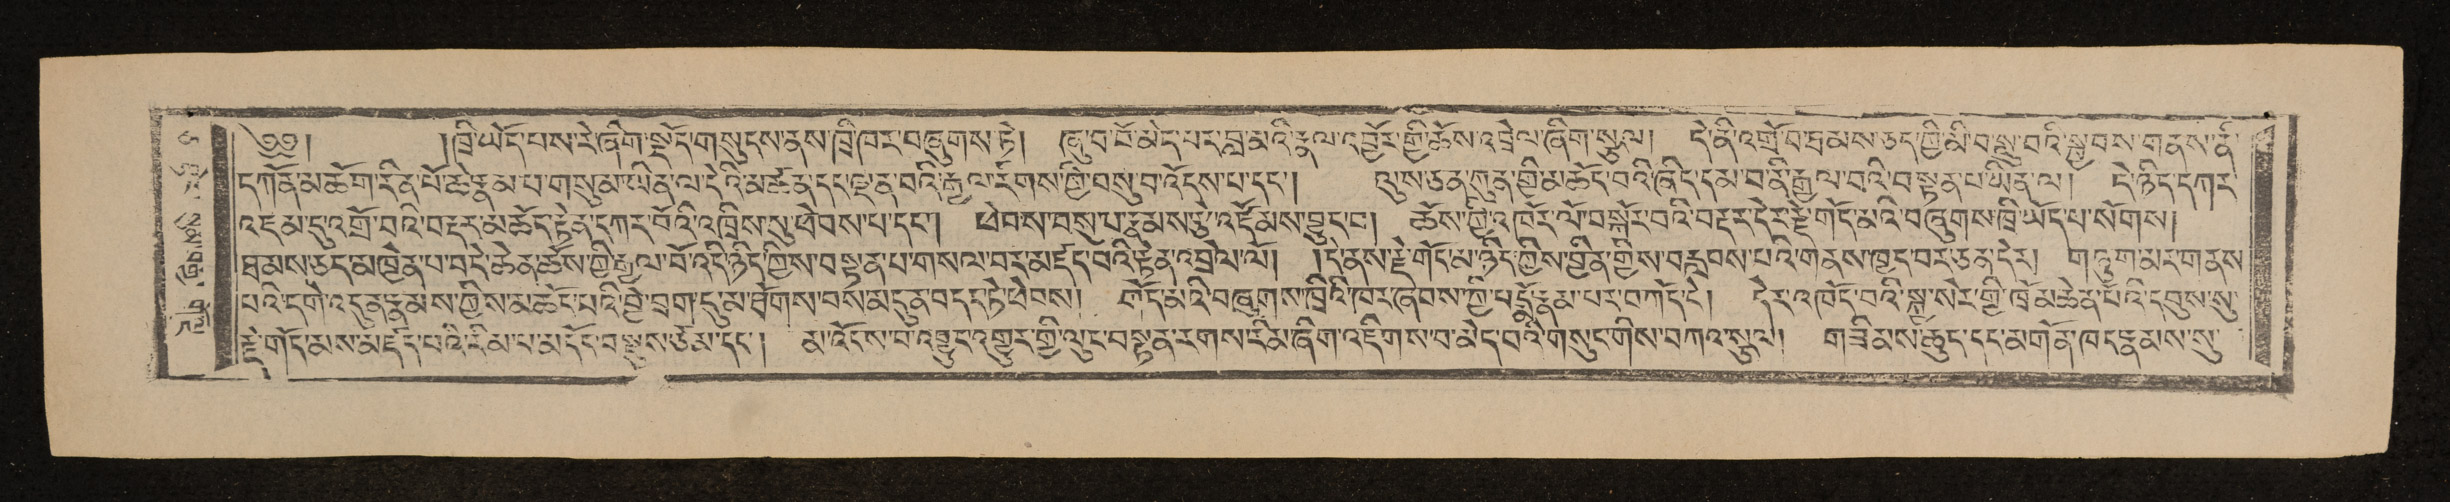༄༅། །ཁྲི་ཡོད་པས་རེ་ཞིག་སྡོད་གསུངས་ནས་ཁྲི་ཁར་བཞུགས་ཏེ། ཞུ་བ་བོ་མེད་པར་བླ་མའི་རྣལ་འབྱོར་གྱི་ཆོས་འབྲེལ་ཞིག་སྩལ། དེ་ནི་འགྲོ་བ་ཐམས་ཅད་ཀྱི་མི་བསླུ་བའི་སྐྱབས་གནས་ནི་
དཀོན་མཆོག་རིན་པོ་ཆེ་རྣམ་པ་གསུམ་ཡིན་ལ་དེའི་མཚན་དང་ལྡན་པའི་རྒྱལ་རིགས་ཀྱི་བསུ་བ་འོངས་པ་དང་། ལུས་ཅན་ཀུན་གྱི་མཆོད་པའི་ཞིང་དམ་པ་ནི་རྒྱལ་བའི་བསྟན་པ་ཡིན་ལ། དེ་ཉིད་དཀར་
འཇམ་དུ་འགྲོ་བའི་བརྡར་མཆོད་རྟེན་དཀར་པོའི་འཁྲིས་སུ་ཕེབས་པ་དང་། ཕེབས་བསུབ་རྣམས་རྩེ་འཛོམས་བྱུང་བ། ཆོས་ཀྱི་འཁོར་ལོ་བསྐོར་བའི་བརྡར་དེར་རྗེ་གོང་མའི་བཞུགས་ཁྲི་ཡོད་པ་སོགས།
ཐམས་ཅད་མཁྱེན་པ་བདེ་ཆེན་ཆོས་ཀྱི་རྒྱལ་པོ་འདི་ཉིད་ཀྱིས་བསྟན་པ་གསལ་བར་མཛད་པའི་རྟེན་འབྲེལ་ལོ། །དེ་ནས་རྗེ་གོང་མ་ཉིད་ཀྱིས་བྱིན་གྱིས་བརླབས་པའི་གནས་ཁྱད་པར་ཅན་དེར། གཉུག་མར་གནས་
པའི་དགེ་འདུན་རྣམས་ཀྱིས་མཆོད་པའི་བྱེ་བྲག་དུ་མ་ཐོགས་པས་མདུན་བདར་ཏེ་ཕེབས། གོང་མའི་བཞུགས་ཁྲིའི་ཁར་ཞབས་ཀྱི་པདམོ་རྣམ་པར་བཀོད་དེ། དེར་འཁོད་པའི་སྐྱ་སེར་གྱི་ཁྲོམ་ཆེན་པོའི་དབུས་སུ་
རྗེ་གོང་མས་མཛད་པའི་རིམ་པ་མདོར་བསྡུས་ཙམ་དང་། མ་འོངས་པ་འབྱུང་འགྱུར་གྱི་ལུང་བསྟན་རགས་རིམ་ཞིག་འཇིགས་པ་མེད་པའི་གསུང་གིས་བཀའ་སྩལ། གཟིམས་ཆུང་དང་མགོན་ཁང་རྣམས་སུ་